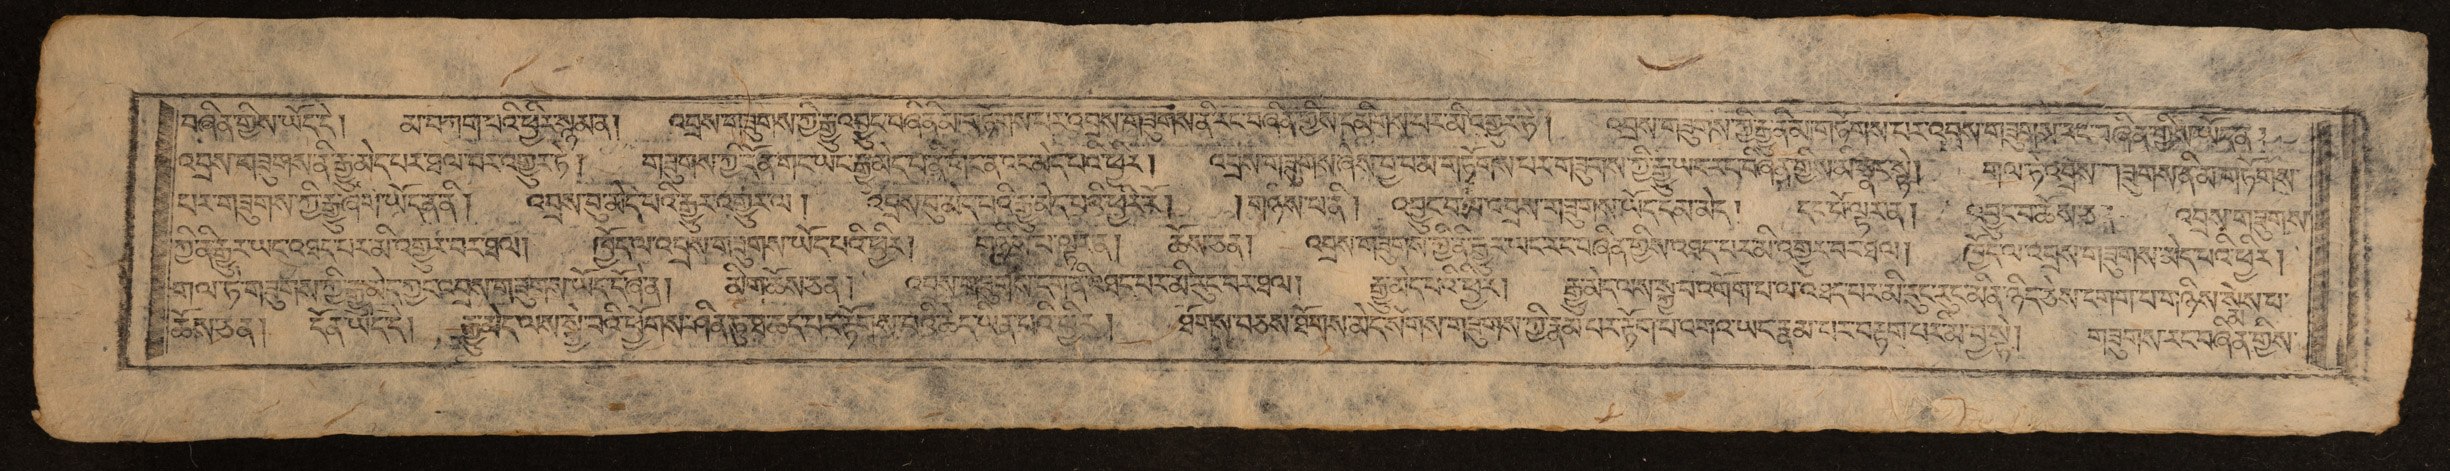བཞིན་གྱིས་ཡོད་དེ། མ་བཀག་པའི་ཕྱིར་སྙམ་ན། འབྲས་གཟུགས་ཀྱི་རྒྱུ་འབྱུང་བཞི་ནི་མ་གཏོགས་པར་འབྲས་གཟུགས་ནི་རང་བཞིན་གྱིས་དམིགས་པར་མི་འགྱུར་ཏེ། འབྲས་གཟུགས་ཀྱི་རྒྱུ་ནི་མ་གཏོགས་པར་འབྲས་གཟུགས་རང་བཞིན་གྱིས་ཡོད་ན།
འབྲས་གཟུགས་ནི་རྒྱུ་མེད་པར་ཐལ་བར་འགྱུར་ཏེ། གཟུགས་ཀྱི་དོན་གང་ཡང་རྒྱུ་མེད་པ་ནི་གང་ན་འང་མེད་པའི་ཕྱིར། འབྲས་གཟུགས་ཞེས་བྱ་བ་མ་གཏོགས་པར་གཟུགས་ཀྱི་རྒྱུ་ཡང་རང་བཞིན་གྱིས་མི་སྣང་སྟེ། གལ་ཏེ་འབྲས་གཟུགས་ནི་མ་གཏོགས་
པར་གཟུགས་ཀྱི་རྒྱུ་ཞིག་ཡོད་ན་ནི། འབྲས་བུ་མེད་པའི་རྒྱུར་འགྱུར་ལ། འབྲས་བུ་མེད་པའི་རྒྱུ་མེད་པའི་ཕྱིར་རོ། །གཉིས་པ་ནི། འབྱུང་བ་ལ་འབྲས་གཟུགས་ཡོད་དམ་མེད། དང་པོ་ལྟར་ན། འབྱུང་བ་ཆོས་ཅན། འབྲས་གཟུགས་
ཀྱི་ནི་རྒྱུར་ཡང་འཐད་པར་མི་འགྱུར་བར་ཐལ། ཁྱོད་ལ་འབྲས་གཟུགས་ཡོད་པའི་ཕྱིར། གཉིས་པ་ལྟར་ན། ཆོས་ཅན། འབྲས་གཟུགས་ཀྱི་ནི་རྒྱུར་ཡང་རང་བཞིན་གྱིས་འཐད་པར་མི་འགྱུར་བར་ཐལ། ཁྱོད་ལ་འབྲས་གཟུགས་མེད་པའི་ཕྱིར།
གལ་ཏེ་གཟུགས་ཀྱི་རྒྱུ་མེད་ཀྱང་འབྲས་གཟུགས་ཡོད་དོ་ཞེ་ན། མིག་ཆོས་ཅན། འབྲས་གཟུགས་དག་ནི་འཐད་པར་མི་རུང་བར་ཐལ། རྒྱུ་མེད་པའི་ཕྱིར། རྒྱུ་མེད་ལས་སྐྱེ་བ་འགོག་པ་ལ་འཐད་པར་མི་རུང་རུང་མིན་ཉིད་ཅེས་དགག་པ་གཉིས་སྨོས་པ་
ཆོས་ཅན། དོན་ཡོད་དེ། རྒྱུ་མེད་ལས་སྐྱེ་བའི་ཕྱོགས་ཤིན་ཏུ་ཐ་ཆད་པར་རྟོགས་པའི་ཆེད་ཡིན་པའི་ཕྱིར། ཐོགས་བཅས་ཐོགས་མེད་སོགས་གཟུགས་ཀྱི་རྣམ་པར་རྟོག་པ་འགའ་ཡང་རྣམ་པར་བརྟག་པར་མི་བྱ་སྟེ། གཟུགས་རང་བཞིན་གྱིས་